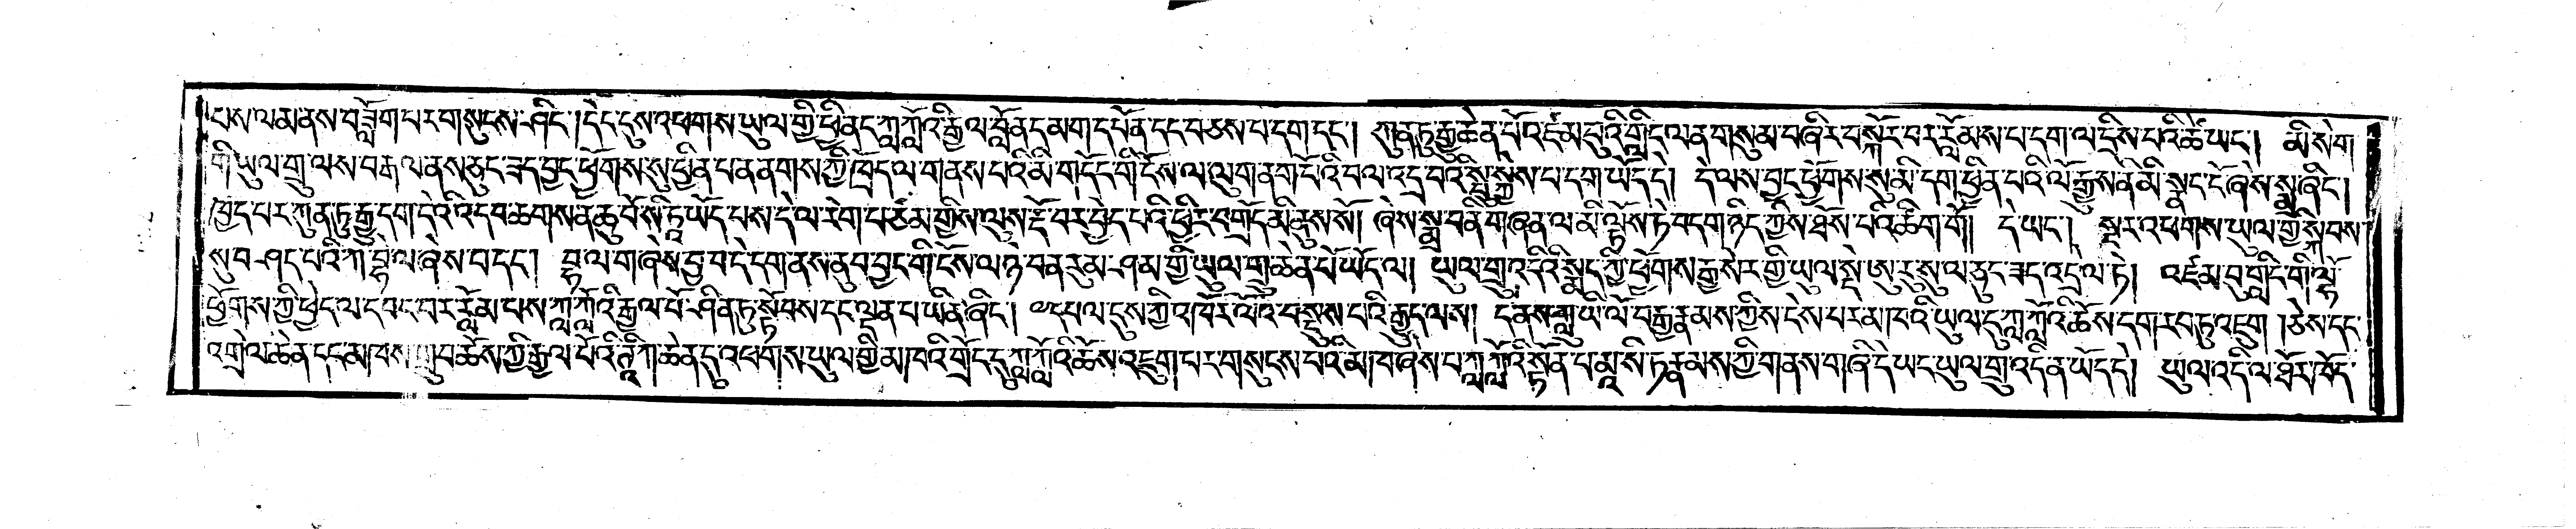པས་ལམ་ནས་བཟློག་པར་གསུངས་ཤིང་། དེང་དུས་འཕགས་ཡུལ་གྱི་ཕྱི་ནང་ཀླ་ཀློའི་རྒྱལ་བློན་དམག་དཔོན་དང་བཅས་པ་དག་དང་། ཀུན་ཏུ་རྒྱུ་ཆེན་པོ་འཛམ་བུའི་གླིང་ལན་གསུམ་བཞིར་བསྐོར་བར་རློམས་པ་དག་ལ་དྲིས་པའི་ཚེ་ཡང་། མི་སེག་
གི་ཡུལ་གྲུ་ལས་བརྒལ་ནས་ཅུང་ཟད་བྱང་ཕྱོགས་སུ་ཕྱིན་པ་ན་ནགས་ཀྱི་ཁྲོད་ལ་གནས་པའི་མི་གདོང་གི་ངོས་ལ་ལུག་ནག་པོའི་བལ་འདྲ་བའི་སྦུ་སྐྱེས་པ་དག་ཡོད་དེ། དེ་ལས་བྱང་ཕྱོགས་སུ་མི་དག་ཕྱིན་པའི་ལོ་རྒྱུས་ནི་མི་སྣང་ངོ་ཞེས་སྨྲ་ཞིང་།
ཁྱད་པར་ཀུན་ཏུ་རྒྱུ་དག་དེའི་འདིབ་ཆགས་ན་ཆུ་བོ་སི་ཏཱ་ཡོད་པས་དེ་ལ་རེག་པ་ཙམ་གྱིས་ལུས་རྡོ་བར་བྱེད་པའི་ཕྱིར་བགྲོད་མི་ནུས་སོ། ཞེས་སྨྲ་བ་ནི་གཞན་ལ་མི་ལྟོས་ཏེ་བདག་ཉིད་ཀྱིས་ཐོས་པའི་ཚིག་གོ། དེ་ཡང་། སྔར་འཕགས་ཡུལ་གྱི་སྐབས་
སུ་བཤད་པའི་ཀ་བྷེ་ལ་ཞེས་བ་དང་། བྷ་ལ་ག་ཞེས་བྱ་བ་དེ་དག་ནས་ནུབ་བྱང་གི་ངོས་ལ་ཉེ་བན་རུམ་ཤམ་གྱི་ཡུལ་གྲུ་ཆེན་པོ་ཡོད་ལ། ཡུལ་གྲུ་འདིའི་སྨད་ཀྱི་ཕྱོགས་རྒྱ་སེར་གྱི་ཡུལ་སྡེ་ཨུ་རུ་སུ་ལ་ཅུང་ཟད་འདྲེལ་ཏེ། འཛམ་བུ་གླིང་གི་ལྷོ་
ཕྱོགས་ཀྱི་ཕྲེད་ལ་དབང་བར་རློམ་པས་ཀླ་ཀློའི་རྒྱལ་པོ་ཤིན་ཏུ་སྟོབས་དང་ལྡན་པ་ཡིན་ཞིང་། ༧་དཔལ་དུས་ཀྱི་འཁོར་ལོའི་བསྡུས་པའི་རྒྱུད་ལས། ད་ནས་ཀླུ་ཡི་ལོ་བརྒྱ་རྣམས་ཀྱིས་ངེས་པར་མཁའི་ཡུལ་དུ་ཀླ་ཀློའི་ཆོས་དག་རབ་ཏུ་འཇུག །ཅེས་དང་
འགྲེལ་ཆེན་དང་མཁས་གྲུབ་ཆོས་ཀྱི་རྒྱལ་པོའི་ཊཱིཀ་ཆེན་དུ་འཕགས་ཡུལ་གྱི་མཁའི་གྲོང་དུ་ཀླ་ཀློའི་ཆོས་འཇུག་པར་གསུངས་པའི་མཁ་ཞེས་པ་ཀླ་ཀློའི་སྟོན་པ་མཱ་སི་ཏ་རྣམས་ཀྱི་གནས་གཞི་དེ་ཡང་ཡུལ་གྲུ་འདི་ན་ཡོད་དེ། ཡུལ་འདི་ལ་ཐོར་ཁོད་